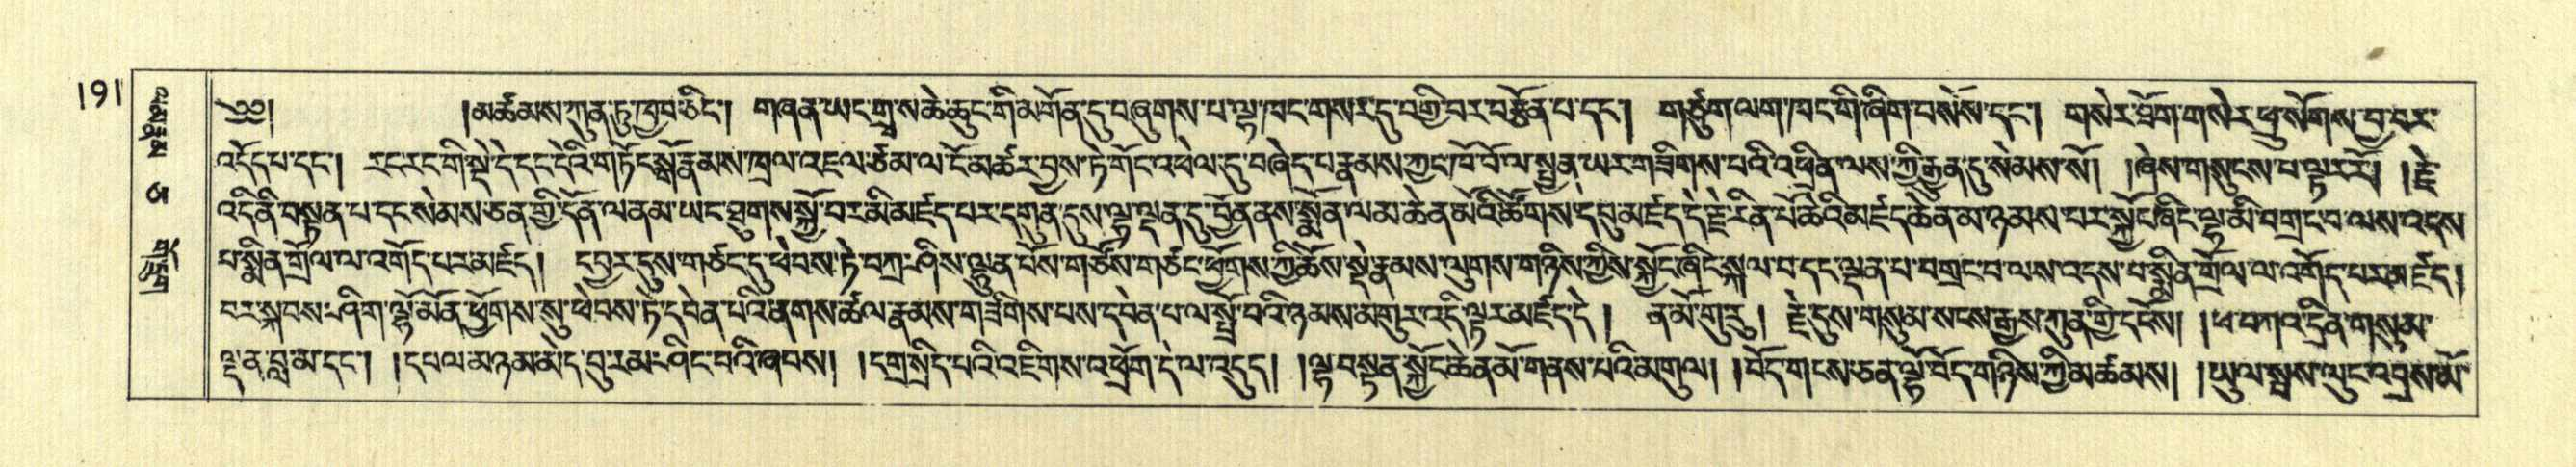༄༅། །མཚམས་ཀུན་ཏུ་ཁྱབ་ཅིང་། གཞན་ཡང་གྲྭ་ས་ཆེ་ཆུང་གི་མགོན་དུ་བཞུགས་པ་ལྷ་ཁང་གསར་དུ་བགྱི་བར་བརྩོན་པ་དང་། གཙུག་ལག་ཁང་གི་ཞིག་བསོས་དང་། གསེར་ཐོག་གསེར་ཕྲུ་སོགས་བྱ་བར་
འདོད་པ་དང་། རང་རང་གི་སྡེ་དེ་དང་དེའི་གཏོང་སྒོ་རྣམས་ཁྲལ་འཇལ་ཙམ་ལ་ངོ་མཚར་བྱས་ཏེ་གོང་འཕེལ་དུ་བཞེད་པ་རྣམས་ཀྱང་ཁོ་བོ་ལ་སྤྱན་ཡར་གཟིགས་པའི་འཕྲིན་ལས་ཀྱི་རྒྱུན་དུ་སེམས་སོ། །ཞེས་གསུངས་པ་ལྟར་རོ། །རྗེ་
འདི་ནི་བསྟན་པ་དང་སེམས་ཅན་གྱི་དོན་ལ་ནམ་ཡང་ཐུགས་སྐྱོ་བར་མི་མཛད་པར་དགུན་དུས་ལྷ་ལྡན་དུ་བྱོན་ནས་སྨོན་ལམ་ཆེན་མོའི་ཚོགས་དབུ་མཛད་དེ་རྗེ་རིན་པོ་ཆེའི་མཛད་ཆེན་མ་ཉམས་པར་སྐྱོང་ཞིང་ལྷ་མི་བགྲང་བ་ལས་འདས་
པ་སྨིན་གྲོལ་ལ་འགོད་པར་མཛད། དབྱར་དུས་གཙང་དུ་ཕེབས་ཏེ་བཀྲ་ཤིས་ལྷུན་པོས་གཙོས་གཙང་ཕྱོགས་ཀྱི་ཆོས་སྡེ་རྣམས་ལུགས་གཉིས་ཀྱིས་སྐྱོང་ཞིང་སྐལ་བ་དང་ལྡན་པ་བགྲང་བ་ལས་འདས་པ་སྨིན་གྲོལ་ལ་འགོད་པར་མཛད།
བར་སྐབས་ཤིག་ལྷོ་མོན་ཕྱོགས་སུ་ཕེབས་ཏེ་དབེན་པའི་ནགས་ཚལ་རྣམས་གཟིགས་པས་དབེན་པ་ལ་སྤྲོ་བའི་ཉམས་མགུར་འདི་ལྟར་མཛད་དེ། ན་མོ་གུ་རུ། རྗེ་དུས་གསུམ་སངས་རྒྱས་ཀུན་གྱི་དངོས། །ཕ་བཀའ་དྲིན་གསུམ་
ལྡན་བླ་མ་དང་། །དཔལ་མཉམ་མེད་བུ་རམ་ཤིང་བའི་ཞབས། །དགྲ་སྲིད་པའི་འཇིགས་འཕྲོག་དེ་ལ་འདུད། །ལྷ་བསྟན་སྐྱོང་ཆེན་མོ་གནས་པའི་མགུལ། །བོད་གངས་ཅན་ལྷོ་བོད་གཉིས་ཀྱི་མཚམས། །ཡུལ་སྤངས་ལུང་འབྲས་མོ་